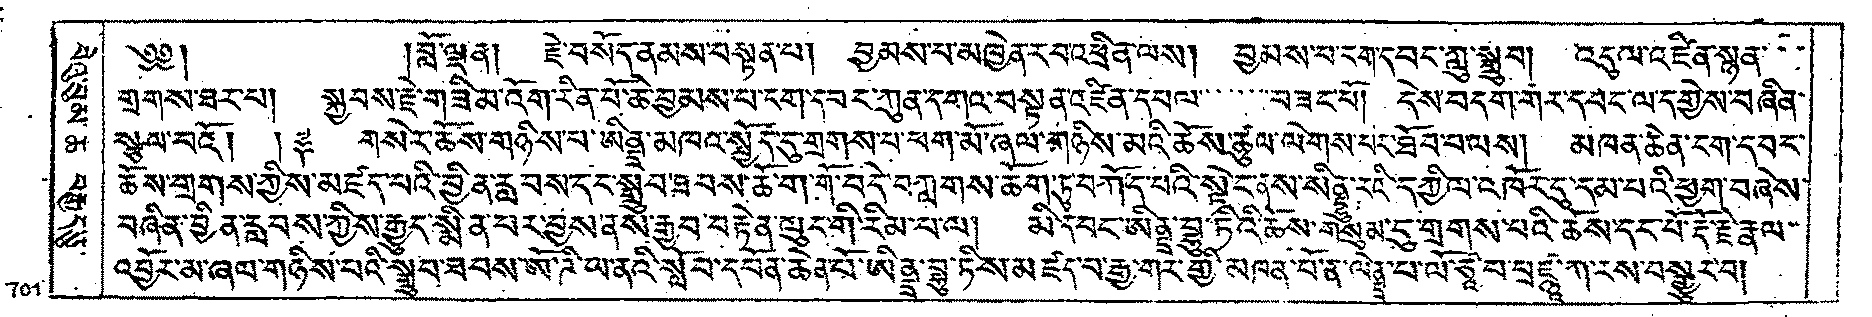༄༅། །བློ་ལྡན། རྗེ་བསོད་ནམས་བསྟན་པ། བྱམས་པ་མཁྱེན་རབ་འཕྲིན་ལས། བྱམས་པ་ངག་དབང་ཀླུ་སྒྲུབ། འདུལ་འཛིན་སྙན་
གྲགས་ཐར་པ། སྐྱབས་རྗེ་གཟིམ་འོག་རིན་པོ་ཆེ་བྱམས་པ་ངག་དབང་ཀུན་དགའ་བསྟན་འཛིན་དཔལ་བཟང་པོ། དེས་བདག་གར་དབང་ལ་དགྱེས་བཞིན་
སྩལ་བའོ། ། ༈ གསེར་ཆོས་གཉིས་པ་ཨིནྡྲ་མཁའ་སྤྱོད་དུ་གྲགས་པ་ཕག་མོ་ཞལ་གཉིས་མའི་ཆོས་ཚུལ་ལེགས་པར་ཐོབ་པ་ལས། མཁན་ཆེན་ངག་དབང་
ཆོས་གྲགས་ཀྱིས་མཛད་པའི་བྱིན་རླབས་དང་སྒྲུབ་ཐབས་ཆོ་ག་གོ་བདེ་བཀླགས་ཆོག་ཏུ་བཀོད་པའི་སྟེང་ནས་སིནྡྷུ་རའི་དཀྱིལ་འཁོར་དུ་དམ་པའི་ཕྱག་བཞེས་
བཞིན་བྱིན་རླབས་ཀྱིས་རྒྱུད་སྨིན་པར་བྱས་ནས་རྒྱབ་བརྟེན་ལུང་གི་རིམ་པ་ལ། མི་དབང་ཨིནྡྲ་བྷུ་ཏིའི་ཆོས་གསུམ་དུ་གྲགས་པའི་ཆོས་དང་པོ་རྡོ་རྗེ་རྣལ་
འབྱོར་མ་ཞལ་གཉིས་པའི་སྒྲུབ་ཐབས་ཨོ་ཌི་ཡ་ནའི་སློབ་དཔོན་ཆེན་པོ་ཨིནྡྲ་བྷུ་ཏིས་མཛད་པ་རྒྱ་གར་གྱི་མཁན་པོ་ན་ལེནྡྲ་པ་ལོ་ཙཱ་པ་པྲཛྙཱ་ཀ་རས་བསྒྱུར་བ།